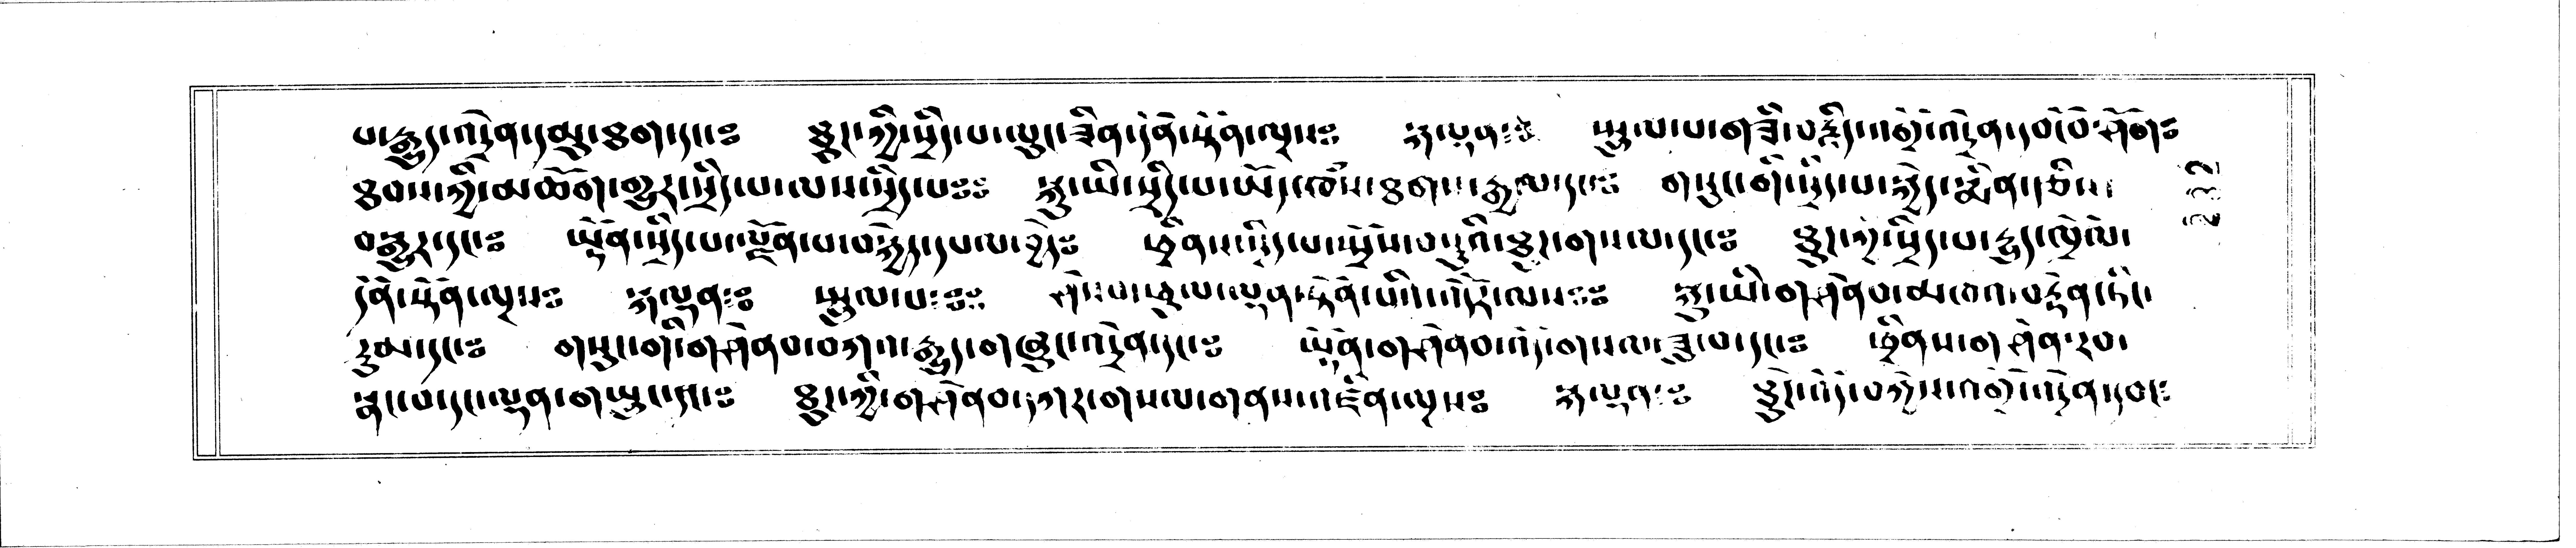པ་རྒྱུད་འདྲེན་དམུ་ཐག་དངཿ ཐུགས་ཀྱི་སྲིད་པ་ལུང་ཟིན་དོན་སྟོན་ལྔསཿ སྐལ་ལྡན་སློབ་མ་རྣམས་ལ་དབང་བསྐུར་བསཿ སྤྲུལ་པ་གཟི་བརྗིད་འགྲོ་འདྲེན་དབང་ཐོབ་ཤོགཿ 
ཐབས་ཀྱི་མཆོག་གྱུར་སྤྲུལ་པ་ལས་སྲིད་པའིཿ སྐུ་ཡི་སྲིད་པ་ཡོད་ཁམས་གྲགས་རྒྱལ་དངཿ གསུང་གི་སྲིད་པ་སྐྱེད་སྨན་རྩིས་
སྒྱུར་དངཿ ཡོན་ཏན་གྱི་སྲིད་པ ལྗོན་པ་སྐྱེད་དཔལ་བྱེདཿ ཕྲིན་ལས་སྲིད་པ་སྤྲོས་བསྡུས་ཐུགས་གསལ་དངཿ ཐུགས་ཀྱི་སྲིད་པ་རྒྱུད་ཁྲོལ་དོན་
སྟོན་ལྔསཿ སྐལ་ལྡན་སློབ་མ་རྣམས་ལ་དབང་བསྐུར་བསཿ སྤྲུལ་པ་གཟི་བརྗིད་འགྲོ་འདྲེན་དབང་ཐོབ་ཤོགཿ ཤེས་རབ་ཕུལ་ལྡན་གཤེན་རབ་འོད་ཟེར་ལསཿ སྐུ་ཡི་གཤེན་རབ་མཁའ་རྟེན་དིང་
རུམ་དངཿ གསུང་གི་གཤེན་རབ་བཀའ་བརྒྱུད་གཞུང་འདྲེན་དངཿ ཡོན་ཏན་གཤེན་རབ་འོད་གསལ་ཟླ་བ་དངཿ ཕྲིན་ལས་གཤེན་རབ་
སྣང་བ་དོན་ལྡན་གཡུང་དྲུང་དངཿ ཐུགས་ཀྱི་གཤེན་རབ་དཀར་གསལ་གནས་འཛིན་ལྔསཿ སྐལ་ལྡན་སློབ་མ་རྣམས་ལ་དབང་བསྐུར་བསཿ ཐུགས་རྗེ་འོད་བཀྱེས་འགྲོ་འདྲེན་དབང་ཐོབ་ཤོགཿ